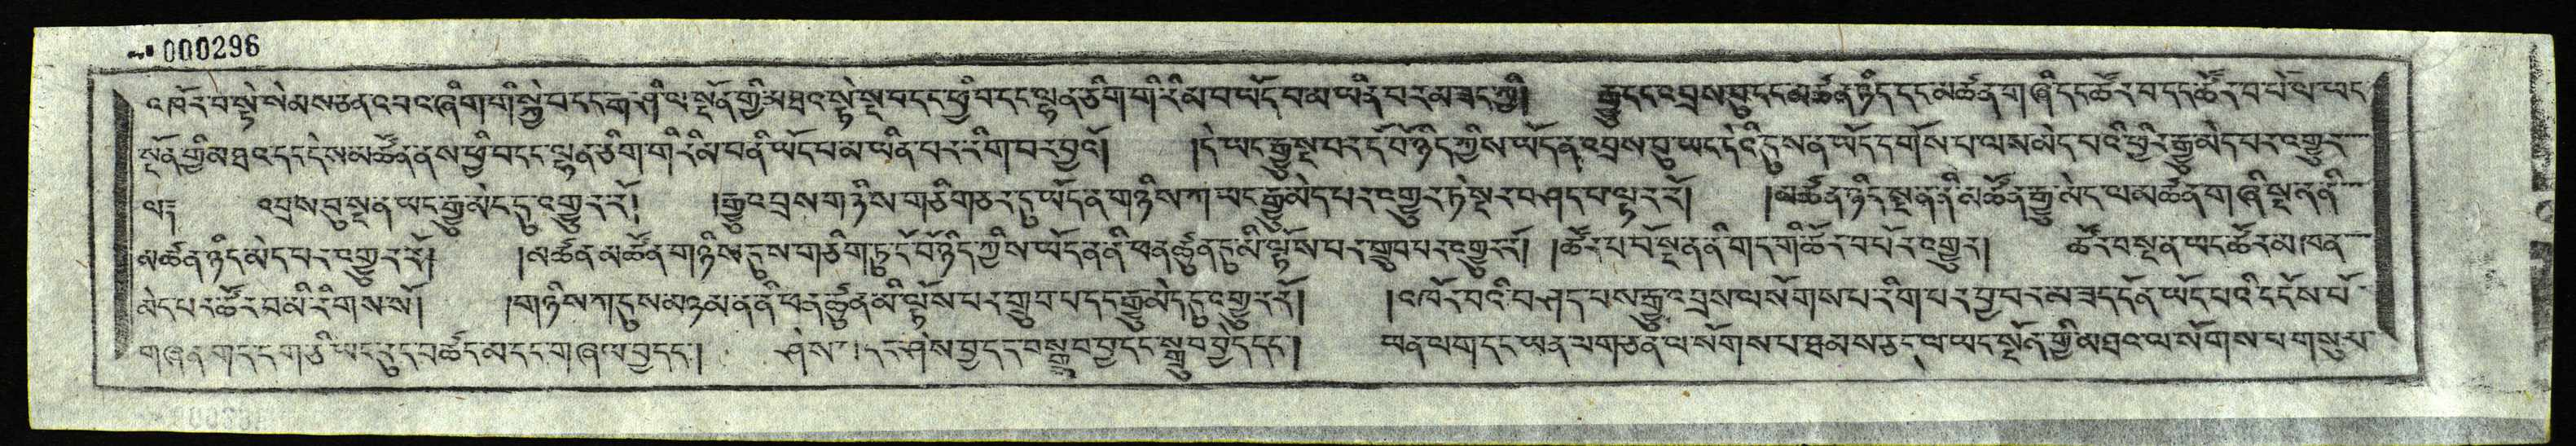འཁོར་པ་སྟེ་སེམས་ཅན་འབའ་ཞིག་གི་སྐྱེ་བ་དང་རྒ་ཤི་ལ་སྔོན་གྱི་མཐའ་སྟེ་སྔ་བ་དང་ཕྱི་བ་དང་ལྷན་ཅིག་གི་རིམ་པ་ཡོད་པ་མ་ཡིན་པར་མ་ཟད་ཀྱི། རྒྱུ་དང་འབྲས་བུ་དང་མཚན་ཉིད་དང་མཚན་གཞི་དང་ཚོར་བ་དང་ཚོར་བ་པོ་ལ་ཡང་
སྔོན་གྱི་མཐའ་དང་དེས་མཚོན་ནས་ཕྱི་བ་དང་ལྷན་ཅིག་གི་རིམ་པ་ནི་ཡོང་བ་མ་ཡིན་པར་རིག་པར་བྱའོ། །དེ་ཡང་རྒྱུ་སྔ་བར་ངོ་བོ་ཉིད་ཀྱིས་ཡོད་ན་འབྲས་བུ་ཡང་དེའི་དུས་ན་ཡོད་དགོས་པ་ལས་མེད་པའི་ཕྱིར་རྒྱུ་མེད་པར་འགྱུར་
ལ༑ འབྲས་བུ་སྔ་ན་ཡང་རྒྱུ་མེད་དུ་འགྱུར་རོ། །རྒྱུ་འབྲས་གཉིས་གཅིག་ཅར་དུ་ཡོད་ན་གཉིས་ཀ་ཡང་རྒྱུ་མེད་པར་འགྱུར་ཏེ་སྔར་བཤད་པ་ལྟར་རོ། །མཚན་ཉིད་སྔ་ན་ནི་མཚོན་རྒྱུ་མེད་ལ་མཚན་གཞི་སྔ་ན་ནི་
མཚན་ཉིད་མེད་པར་འགྱུར་རོ། །མཚན་མཚོན་གཉིས་དུས་གཅིག་ཏུ་ངོ་བོ་ཉིད་ཀྱིས་ཡོད་ན་ནི་ཕན་ཚུན་དུ་མི་ལྟོས་པར་གྲུབ་པར་འགྱུར་རོ། །ཚོར་བ་པོ་སྔ་ན་ནི་གང་གི་ཚོར་བ་པོར་འགྱུར། ཚོར་བ་སྔ་ན་ཡང་ཚོར་མཁན་
མེད་པར་ཚོར་བ་མི་རིགས་སོ། །གཉིས་ཀ་དུས་མཉམ་ན་ནི་ཕན་ཚུན་མི་ལྟོས་པར་གྲུབ་པ་དང་རྒྱུ་མེད་དུ་འགྱུར་རོ། །འཁོར་བའི་བཤད་པས་རྒྱུ་འབྲས་ལ་སོགས་པ་རིག་པར་བྱ་བར་མ་ཟད་དོན་ཡོད་པའི་དངོས་པོ་
གཞན་གང་དག་ཅི་ཡང་རུང་བ་ཚད་མ་དང་གཞལ་བྱ་དང་། ཤེས་པ་དང་ཤེས་བྱ་དང་བསྒྲུབ་བྱ་དང་སྒྲུབ་བྱེད་དང་། ཡན་ལག་དང་ཡན་ལག་ཅན་ལ་སོགས་པ་ཐམས་ཅད་ལ་ཡང་སྔོན་གྱི་མཐའ་ལ་སོགས་པ་གསུམ་